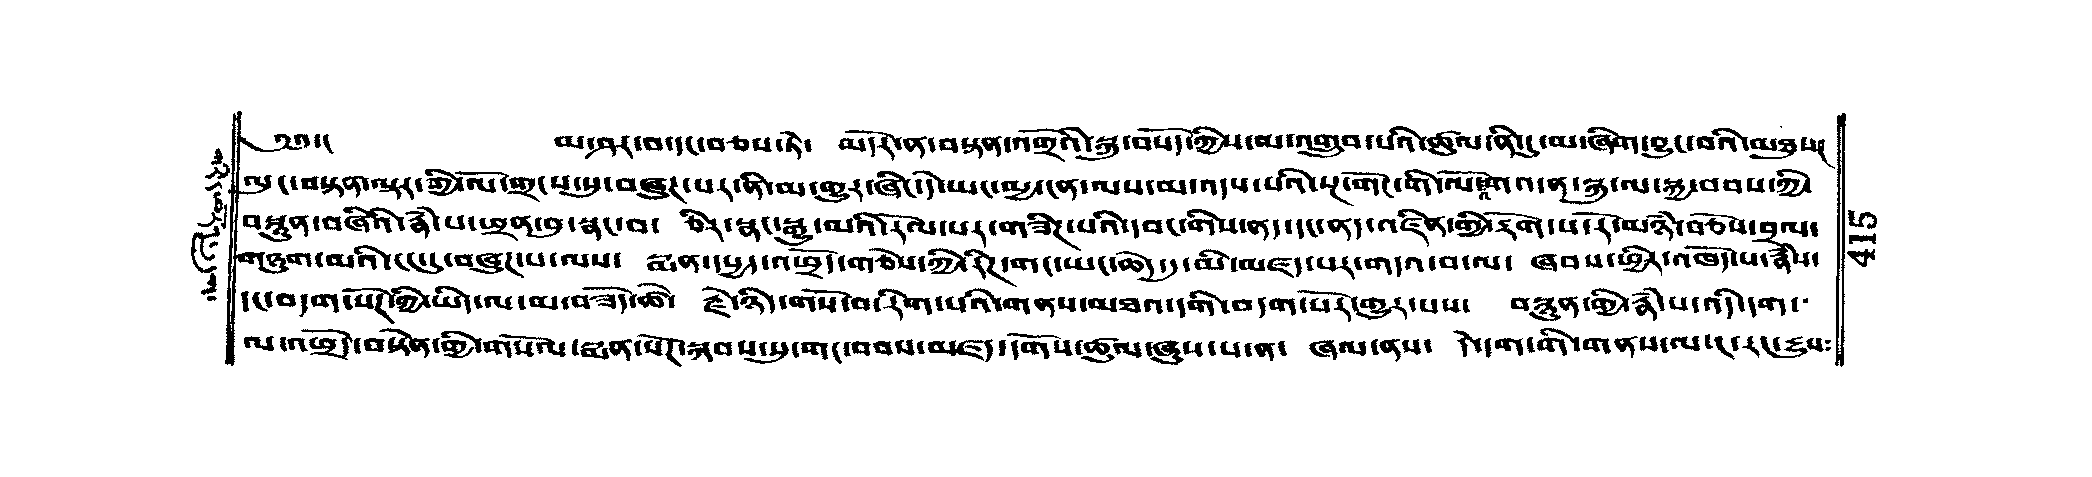མ་ཤར་བ་དང་བཅས་ཏེ། མདོར་ན་བསྟན་འགྲོའི་སྐུ་བསོད་ཀྱིས་མ་འགྲུབ་པའི་ཚུལ་ནི་དུ་མ་ཞིག་བྱུང་བའི་མཐུས། 
ལུང་བསྟན་ལྟར་གྱི་ལོ་གྲངས་སུ་བཞུགས་པར་ནི་མ་གྱུར་ཞིང་དེ་ཡང་མྱ་ངན་ལས་མ་འདས་པའི་སྔ་གོང་གི་ལོ་འགའ་ན་སྐུ་ལ་སྐྱ་བབས་ཀྱི་
བསྙུན་བཞིའི་རྣམ་པ་ཕྲན་བུ་སྣང་བ། ཅིར་སྣང་སྒྱུ་མའི་རོལ་པར་གཟིགས་པའི་དབང་གིས་ནད་དང་ནད་འཛིན་གྱི་རྟོག་པ་རོ་མཉམ་བཅོས་བྲལ་
གཉུག་མའི་ངང་དུ་བཞུགས་པ་ལས། སྨན་དཔྱད་འཕྲོད་གཅེས་ཀྱི་རིགས་གང་ཡང་ཆེད་དུ་མི་མཛད་པར་གདའ་བ་ལ། ཞབས་ཕྱིར་འཁོད་པ་རྣམས་
དང་བདག་སོགས་ཀྱི་ཡིད་ལ་མ་བཟོད་ཚེ། རྗེ་ཉིད་གསོ་བ་རིག་པའི་གནས་མཐའ་དག་གི་བདག་པོར་གྱུར་པས། བསྙུན་གྱི་རྣམ་པ་འདི་དག་
ལ་འཕྲོད་བསྟེན་གྱི་གསོལ་སྨན་སོགས་སྐབས་སུ་གང་བབས་མཛད་དགོས་ཚུལ་ཞུས་པ་ན། ཞལ་ནས། དེ་དག་གི་གནས་ལ་ང་རང་རྒྱུས་